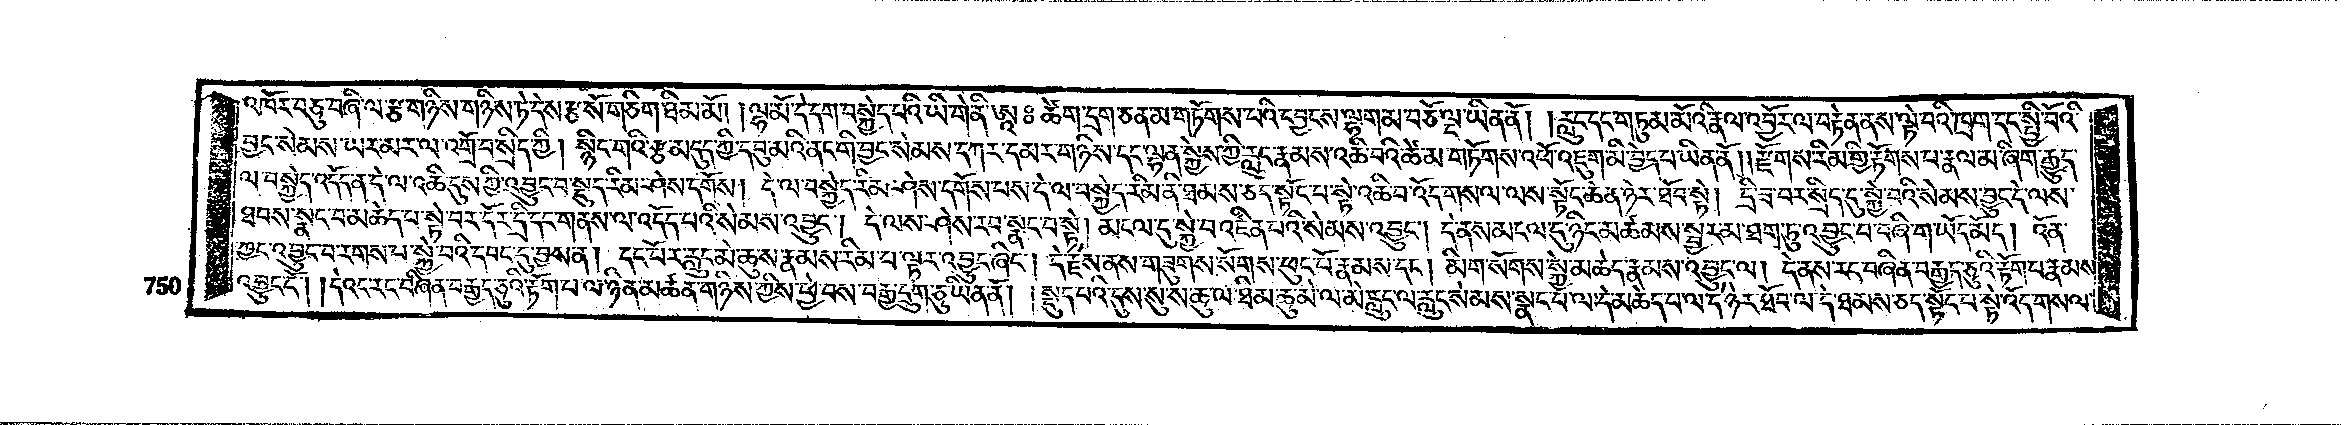འཁོར་བཅུ་བཞི་ལ་རྩ་གཉིས་གཉིས་ཏེ་དེས་རྩ་སོ་གཅིག་ཐིམ་མོ། །ལྷ་མོ་དེ་དག་བསྐྱེད་པའི་ཡི་གེ་ནི་ཨཱཿ ཚེག་དྲག་ཅན་མ་གཏོགས་པའི་དབྱངས་ལྷག་མ་བཅོ་ལྔ་ཡིན་ནོ། །རླུང་དང་གཏུམ་མོའི་རྣལ་འབྱོར་ལ་བརྟེན་ནས་ལྟེ་བའི་ཁྲག་དང་སྤྱི་བོའི་
བྱང་སེམས་ཡར་མར་ལ་འགྲོ་བ་སྲིད་ཀྱི། སྙིང་གའི་རྩ་མདུད་ཀྱི་དབུ་མའི་ནང་གི་བྱང་སེམས་དཀར་དམར་གཉིས་དང་ལྷན་སྐྱེས་ཀྱི་རླུང་རྣམས་འཆི་བའི་ཚེ་མ་གཏོགས་འཕོ་འཇུག་མི་བྱེད་པ་ཡིན་ནོ། །རྫོགས་རིམ་གྱི་རྟོགས་པ་རྣལ་མ་ཞིག་རྒྱུད་
ལ་བསྐྱེད་འདོད་ན་དེ་ལ་འཆི་དུས་ཀྱི་འབྱུང་བ་སྡུད་རིམ་ཤེས་དགོས། དེ་ལ་བསྐྱེད་རིམ་ཤེས་དགོས་པས་དེ་ལ་བསྐྱེད་རིམ་ནི་ཐམས་ཅད་སྟོང་པ་སྟེ་འཆི་བ་འོད་གསལ་ལས་སྟོང་ཆེན་ཉེར་ཐོབ་སྟེ། དྲི་ཟ་བར་སྲིད་དུ་སྐྱེ་བའི་སེམས་བྱུང་དེ་ལས་
ཐབས་སྣང་བ་མཆེད་པ་སྟེ་བར་དོར་དྲི་དང་གནས་ལ་འདོད་པའི་སེམས་འབྱུང་། དེ་ལས་ཤེས་རབ་སྣང་བ་སྟེ། མངལ་དུ་སྐྱེ་བ་འཛིན་པའི་སེམས་འབྱུང་། དེ་ནས་མངལ་དུ་ཉིང་མཚམས་སྦྱར་མ་ཐག་ཏུ་འབྱུང་བ་བཞི་ག་ཡོད་མོད། འོན་
ཀྱང་འབྱུང་བ་རགས་པ་སྐྱེ་བའི་དབང་དུ་བྱས་ན། དང་པོར་རླུང་མེ་ཆུ་ས་རྣམས་རིམ་པ་ལྟར་འབྱུང་ཞིང་། དེ་རྗེས་ནས་གཟུགས་སོགས་ཕུང་པོ་རྣམས་དང་། མིག་སོགས་སྐྱེ་མཆེད་རྣམས་འབྱུང་ལ། དེ་ནས་རང་བཞིན་བརྒྱུད་ཅུའི་རྟོག་པ་རྣམས་
འབྱུང་ངོ། །དེའང་རང་བཞིན་བརྒྱད་ཅུའི་རྟོག་པ་ལ་ཉིན་མཚན་གཉིས་ཀྱིས་ཕྱེ་བས་བརྒྱ་དྲུག་ཅུ་ཡིན་ནོ། །སྡུད་པའི་དུས་སུ་ས་ཆུ་ལ་ཐིམ་ཆུ་མེ་ལ་མེ་རླུང་ལ་རླུང་སེམས་སྣང་པ་ལ་དེ་མཆེད་པ་ལ་དེ་ཉེར་ཐོབ་ལ་དེ་ཐམས་ཅད་སྟོང་པ་སྟེ་འོད་གསལ་